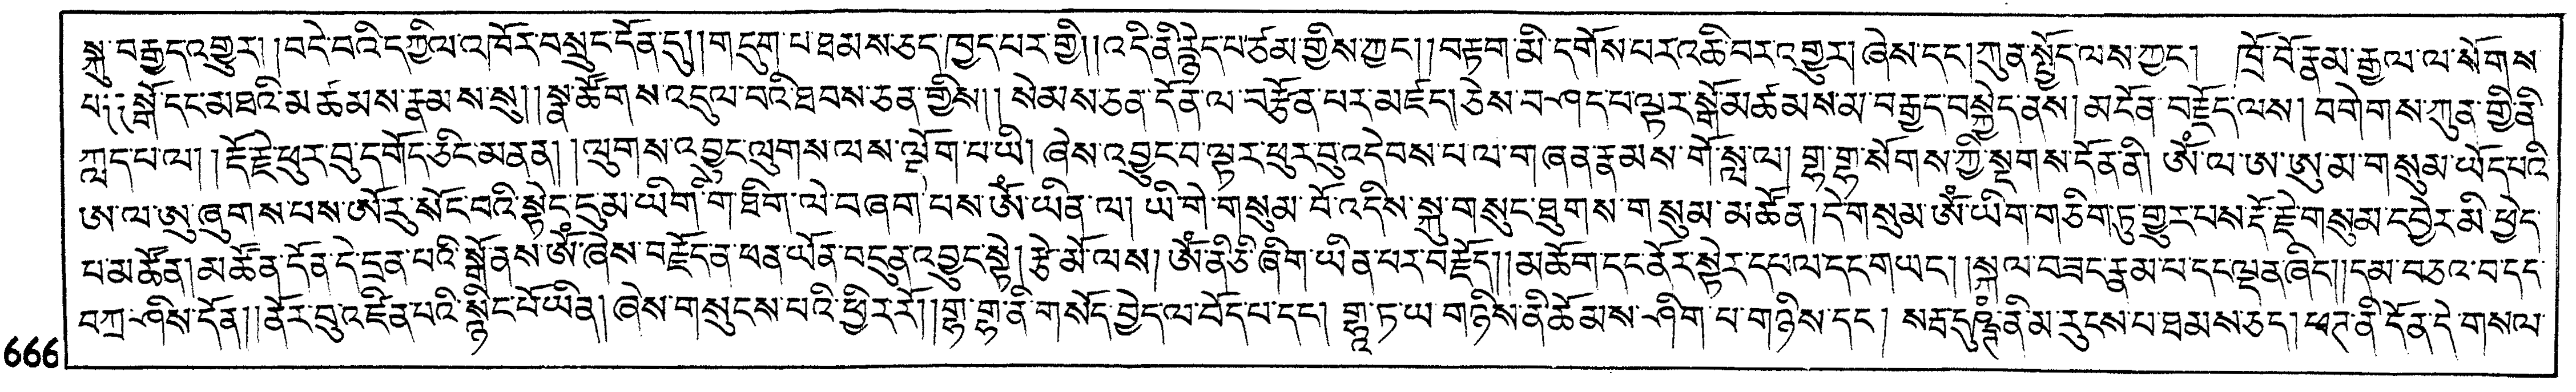སྐུ་བརྒྱད་འགྱུར། །བདེ་བའི་དཀྱིལ་འཁོར་བསྲུང་དོན་དུ། །གདུག་པ་ཐམས་ཅད་ཁྱད་པར་གྱི། །འདི་ནི་རྙེད་པ་ཙམ་གྱིས་ཀྱང་། །བརྟག་མི་དགོས་པར་འཆི་བར་འགྱུར། ཞེས་དང་། ཀུན་སྤྱོད་ལས་ཀྱང་། ཁྲོ་བོ་རྣམ་རྒྱལ་ལ་སོགས་
པ༑ ༑སྒོ་དང་མཐའི་མཚམས་རྣམས་སུ། །སྣ་ཚོགས་འདུལ་བའི་ཐབས་ཅན་གྱིས། །སེམས་ཅན་དོན་ལ་བརྩོན་པར་མཛད། ཅེས་བཤད་པ་ལྟར་སྒོ་མཚམས་མ་བརྒྱད་བསྐྱེད་ནས། མངོན་བརྗོད་ལས། བགེགས་ཀུན་གྱི་ནི་
ཀླད་པ་ལ། །རྡོ་རྗེ་ཕུར་བུ་དགོད་ཅིང་མནན། །ལུགས་འབྱུང་ལུགས་ལས་ལྡོག་པ་ཡི། ཞེས་འབྱུང་བ་ལྟར་ཕུར་བུ་འདེབས་པ་ལ་གཞན་རྣམས་གོ་སླ་ལ། གྷ་གྷ་སོགས་ཀྱི་སྔགས་དོན་ནི། ཨོཾ་ལ་ཨ་ཨུ་མ་གསུམ་ཡོད་པའི་
ཨ་ལ་ཨུ་ཞུགས་པས་ཨོ་རུ་སོང་བའི་སྟེང་དུ་མ་ཡིག་གི་ཐིག་ལེ་བཞག་པས་ཨོཾ་ཡིན་ལ། ཡི་གེ་གསུམ་པོ་འདིས་སྐུ་གསུང་ཐུགས་གསུམ་མཚོན། དེ་གསུམ་ཨོཾ་ཡིག་གཅིག་ཏུ་གྱུར་པས་རྡོ་རྗེ་གསུམ་དབྱེར་མི་ཕྱེད་
པ་མཚོན། མཚོན་དོན་དེ་དྲན་པའི་སྒོ་ནས་ཨོཾ་ཞེས་བརྗོད་ན་ཕན་ཡོན་བདུན་འབྱུང་སྟེ། རྩེ་མོ་ལས། ཨོཾ་ནི་ཅི་ཞིག་ཡིན་པར་བརྗོད། །མཆོག་དང་ནོར་སྟེར་དཔལ་དང་གཡང་། །སྐལ་བཟང་རྣམ་པ་དང་ལྡན་ཞིང་། །དམ་བཅའ་བ་དང་
བཀྲ་ཤིས་དོན། །ནོར་བུ་འཛིན་པའི་སྙིང་པོ་ཡིན། ཞེས་གསུངས་པའི་ཕྱིར་རོ། །གྷ་གྷ་ནི་གསོད་བྱེད་ལ་བོད་པ་དང་། གྷཱ་ཏ་ཡ་གཉིས་ནི་ཆོམས་ཤིག་པ་གཉིས་དང་། སརྦ་དུཥྚཾ་ནི་མ་རུངས་པ་ཐམས་ཅད། ཕཊ་ནི་དོན་དེ་གསལ་